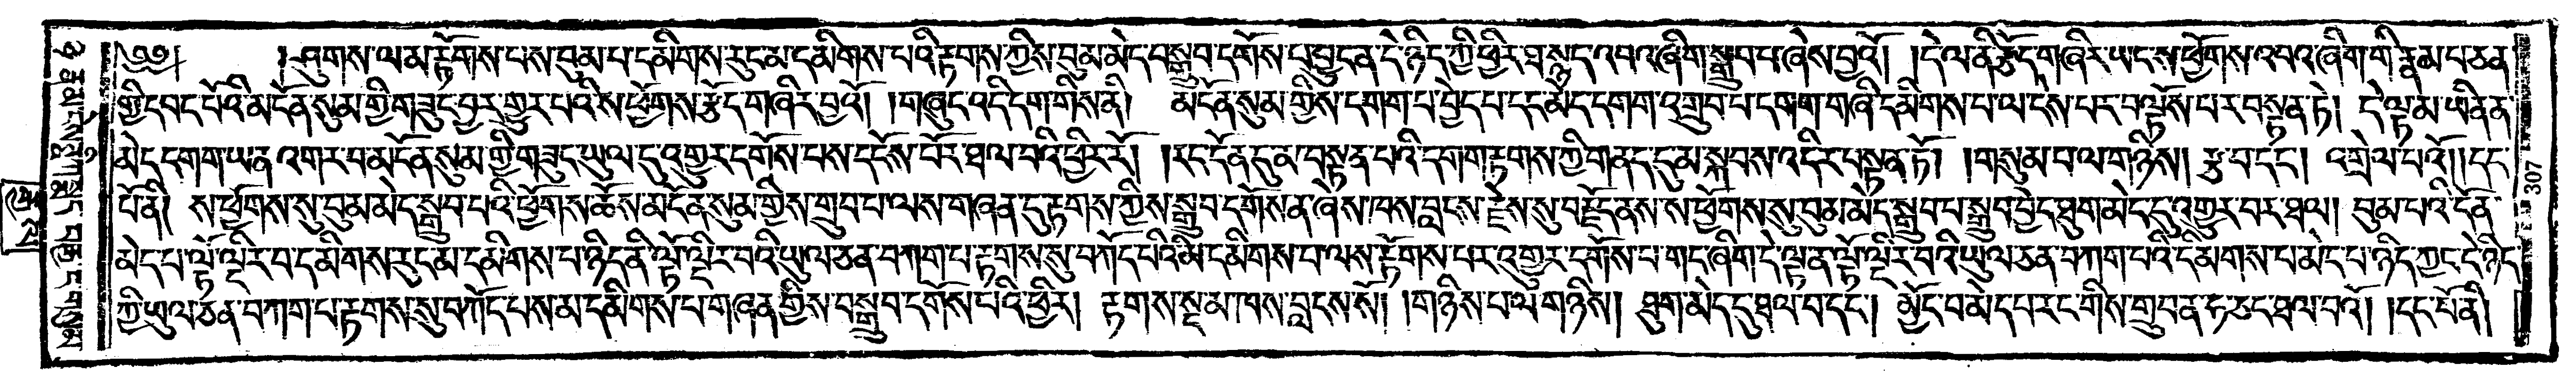༄༅། །ཤུགས་ལ་མ་རྟོགས་པས་བུམ་པ་དམིགས་རུང་མ་དམིགས་པའི་རྟགས་ཀྱིས་བུམ་མེད་བསྒྲུབ་དགོས་པ་བྱུང་ན་དེ་ཉིད་ཀྱི་ཕྱིར་ཐ་སྙད་འབའ་ཞིག་སྒྲུབ་པ་ཞེས་བྱའོ། །དེ་ལ་ནི་རྩོད་གཞིར་ཡང་ས་ཕྱོགས་འབའ་ཞིག་གི་རྣམ་པ་ཅན་
གྱི་དབང་པོའི་མངོན་སུམ་གྱི་གཟུང་བྱར་གྱུར་པའི་ས་ཕྱོགས་རྩོད་གཞིར་བྱའོ། །གཞུང་འདི་དག་གིས་ནི། མངོན་སུམ་གྱིས་དགག་པ་བྱེད་པ་དང་མེད་དགག་འགྲུབ་པ་དགག་གཞི་དམིགས་པ་ལ་ངེས་པར་བལྟོས་པར་བསྟན་ཏེ། དེ་ལྟ་མ་ཡིན་ན་
མེད་དགག་ཡན་འགར་བ་མངོན་སུམ་གྱི་གཟུང་ཡུལ་དུ་འགྱུར་དགོས་པས་དངོས་པོར་ཐལ་བའི་ཕྱིར་རོ། །རང་དོན་དུ་མ་བསྟན་པའི་དགག་རྟགས་ཀྱི་གནད་དུ་མ་སྐབས་འདིར་བསྟན་ཏོ། །གསུམ་པ་ལ་གཉིས། རྩ་བ་དང་། འགྲེལ་པའོ། །དང་
པོ་ནི༑ ས་ཕྱོགས་སུ་བུམ་མེད་སྒྲུབ་པའི་ཕྱོགས་ཆོས་མངོན་སུམ་གྱིས་གྲུབ་པ་ལས་གཞན་དུ་རྟགས་ཀྱིས་སྒྲུབ་དགོས་ན་ཞེས་ཁས་བླངས་རྗེས་སུ་བརྗོད་ནས་ཕྱོགས་སུ་བུམ་མེད་སྒྲུབ་པ་སྒྲུབ་བྱེད་ཐུག་མེད་དུ་འགྱུར་བར་ཐལ། བུམ་པའི་དོན་
མེད་པ་ལྟོ་ལྡིར་བ་དམིགས་རུང་མ་དམིགས་པ་ཉིད་ནི་ལྟོ་ལྡིར་བའི་ཡུལ་ཅན་བཀག་པ་རྟགས་སུ་བཀོད་པའི་མི་དམིགས་པ་ལས་རྟོགས་པར་འགྱུར་དགོས་པ་གང་ཞིག་དེ་ལྟ་ན་ལྟོ་ལྡིར་བའི་ཡུལ་ཅན་བཀག་པའི་དམིགས་པ་མེད་པ་ཉིད་ཀྱང་དེ་ཉིད་
ཀྱི་ཡུལ་ཅན་བཀག་པ་རྟགས་སུ་བཀོད་པས་མ་དམིགས་པ་གཞན་གྱིས་བསྒྲུབ་དགོས་པའི་ཕྱིར། རྟགས་སྔ་མ་ཁས་བླངས་སོ། །གཉིས་པ་ལ་གཉིས། ཐུགས་མེད་དུ་ཐལ་བ་དང་། མྱོང་བ་མེད་པ་རང་གིས་གྲུབ་ན་ཧ་ཅང་ཐལ་བའོ། །དང་པོ་ནི།